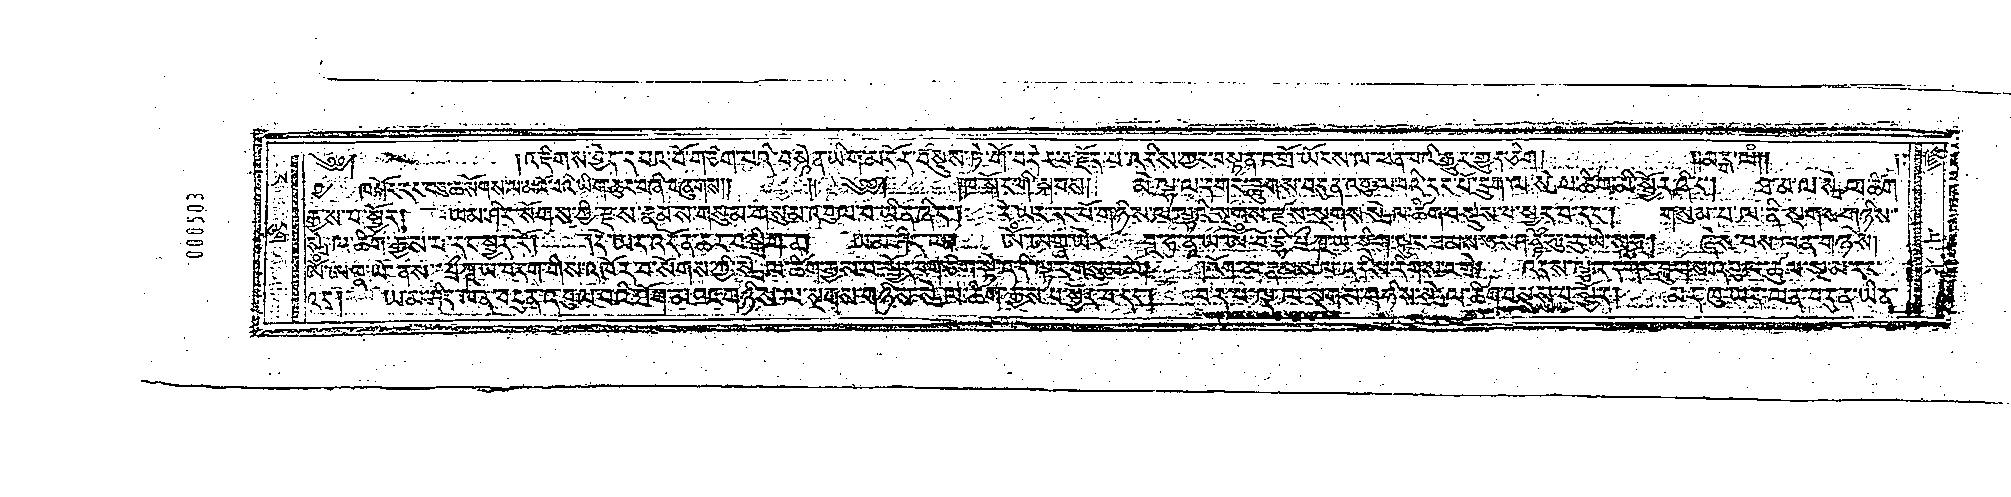༄༅། །འཇིགས་བྱེད་དཔའ་བོ་གཅིག་པའི་བསྙེན་ཡིག་མངོར་བསྡུས་ཏེ་གོ་བདེར་བརྗོད་པ་འདིས་ཀྱང་བསྟན་འགྲོ་ཡོངས་ལ་ཕན་པའི་རྒྱུར་གྱུར་ཅིག། །།མངྒ་ལཾ།། །།
༧་ཁ་སྐོང་དང་བཅུ་ཆ་སོགས་ལ་མཁོ་བའི་ཡིག་ཆུང་བཞི་བཞུགས།། །། ༄༅། །ཁ་སྐོང་གི་སྐབས། མེ་ལྷ་ལ་དགང་བླུགས་བདུན་འབུལ་བའི་དང་པོ་དྲུག་ལ་སྤེལ་ཚིག་མི་སྦྱོར་ཞིང་། ཐ་མ་ལ་སྤེལ་ཚིག་
རྒྱས་པ་སྦྱོར། ཡམ་ཤིང་སོགས་ཀྱི་རྫས་རྣམས་གསུམ་གསུམ་འབུལ་བ་ཡིན་ཞིང་། དེ་ཡང་དང་པོ་གཉིས་ལ་ལྷའི་སྔགས་རྫས་སྔགས་སྤེལ་ཚིག་བསྡུས་པ་སྦྱར་བ་དང་། གསུམ་པ་ལ་ནི་སྔགས་གཉིས་
སྤེལ་ཚིག་རྒྱས་པ་དང་སྦྱར་རོ། །དེ་ཡང་འདོན་ཆར་བསྒྲིག་ན། ཡ་མ་ཤིང་ལ། ཨོཾ་ཨགན་ཡེ་྾་བཱ་ཧ་ནཱ་ཡ་ཨོཾ་བོ་དྷི་པྲྀཀྵ་ཡ་སྡིག་ལྟུང་ཐམས་ཅད་ཤནྟིཾ་ཀུ་རུ་ཡེ་སྭཱཧཱ། ཞེས་པས་ལན་གཉིས།
ཨོཾ་ཨགན་ཡེ་ནས་པྲྀཀྵ་ཡ་བདག་གིས་འཁོར་བ་སོགས་ཀྱི་སྤེལ་ཚིག་རྒྱས་པ་སྦྱོར་བ་གཅིག་སྟེ་འདི་ལྟར་གསུམ་མོ། །འོག་མ་རྣམས་ལ་འདིས་རིགས་འགྲེ། འདས་ལྷའ་དགང་བླུགས་འབུལ་ཚུལ་སྔ་མ་དང་
འདྲ། ཡམ་ཤིང་ལན་བདུན་འབུལ་བའི་ཐོག་མཐའ་གཉིས་ལ་སྔགས་གཉིས་སྤེལ་ཚིག་རྒྱས་པ་སྦྱོར་བ་དང་། བར་པ་ལྔ་ལ་སྔགས་གཉིས་སྤེལ་ཚིག་བསྡུས་པ་སྦྱོར། མར་ཁུ་ཡང་ལན་བདུན་ཡིན་